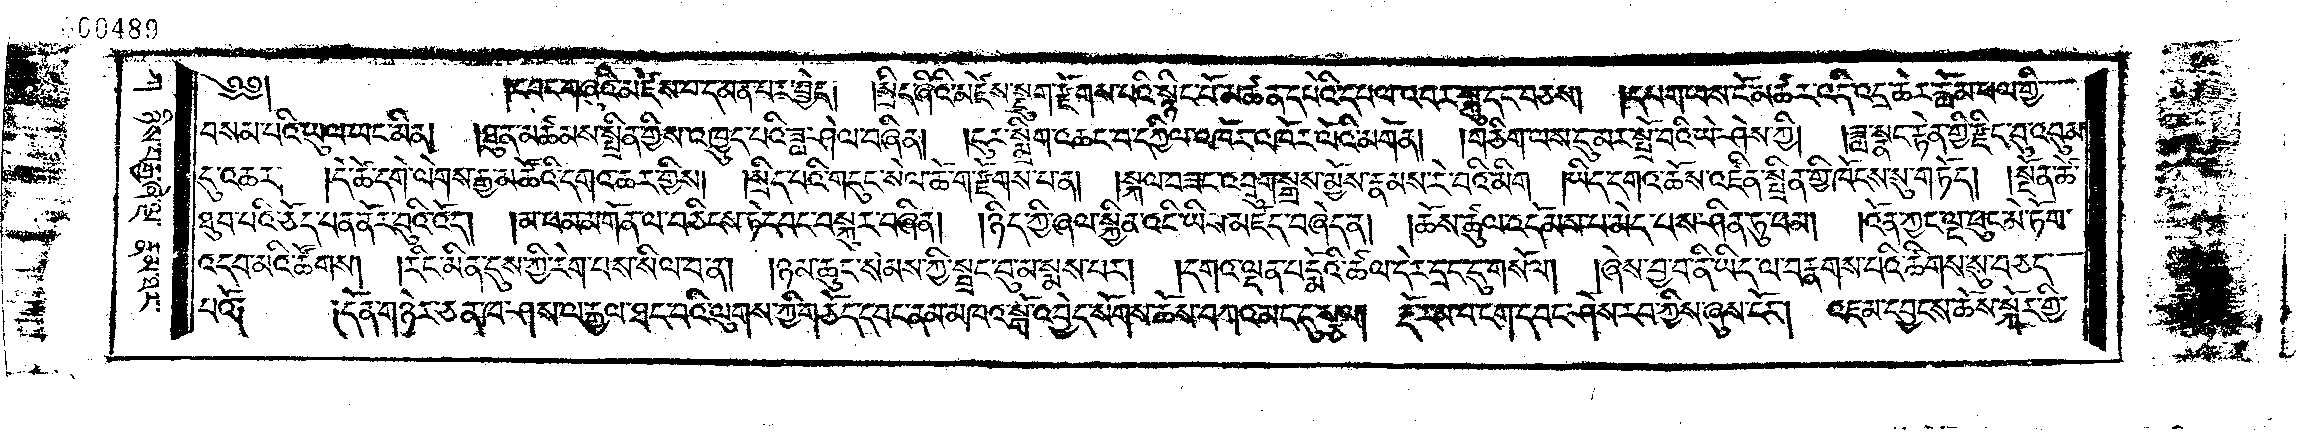༄༅། །དབང་གཞུའི་མཛེས་པ་དམན་པར་བྱེད། །སྲིད་ཞིའི་མཛེས་སྡུག་རྫོགས་པའི་སྙིང་པོ་མཚན་དཔེའི་དཔལ་འབར་སྐུ་དང་བཅས། །དཔག་ཡས་ངོ་མཚར་འདི་འདྲ་ཆེར་རློམ་ཕལ་གྱི་
བསམ་པའི་ཡུལ་ཡང་མིན། །ཐུན་མཚམས་སྤྲིན་གྱིས་འཁྱུད་པའི་ཟླ་ཤེལ་བཞིན། །དུར་སྨྲིག་འཆང་བ་དཀྱིལ་འཁོར་འཁོར་ལོའི་མགོན། །གཅིག་ལས་དུ་མར་སྤྲོ་བའི་ཡེ་ཤེས་ཀྱི། །ཟླ་སྣང་རྟེན་གྱི་རྫིང་བུ་འབུམ་
དུ་འཆར། །དེ་ཚེ་དགེ་ལེགས་རྒྱ་མཚོའི་དགའ་ཆར་གྱིས། །སྲིད་པའི་གདུང་སེལ་ཆོ་ག་རྫོགས་པ་ན། །སྐལ་བཟང་འབྲུག་སྒྲས་མྱོས་རྣམས་རེ་བའི་མིག །ཡིད་དགའ་ཆོས་འཛིན་སྤྲིན་གྱི་ཁོངས་སུ་གཏོད། །སྔོན་ཚེ་
ཐུབ་པའི་ཅོད་པན་ནོར་བུའི་འོད། །མ་ཕམ་མགོན་ལ་བཅིངས་ཏེ་དབང་བསྐུར་བཞིན། །ཉིད་ཀྱི་ཞལ་སྐྱིན་འདི་ཡིས་མཛད་བཞེད་ན། །ཆོས་ཚུལ་འདོམས་པ་མེད་པས་ཤིན་ཏུ་ཕམ། །འོན་ཀྱང་ལྔ་ཕུང་མེ་ཏོག་
འདབ་མའི་ཚོགས། །རིང་མིན་དུས་ཀྱི་རེག་པས་སིལ་བ་ན། །ཉམ་ཆུང་སེམས་ཀྱི་སྦྲང་བུ་མ་སྨས་པར། །དགའ་ལྡན་པདམོའི་ཚལ་དེར་དྲང་དུ་གསོལ། །ཞེས་བྱ་བ་ནི་ཡིད་ལ་བརྣགས་པའི་ཚིགས་སུ་བཅད་
པའོ༑ ༑དོན་གཉེར་ཅན་ཁ་ཤས་ལ་རྒྱལ་ཐང་བའི་ལུགས་ཀྱི་གཅོད་དབང་ནམ་མཁའ་སྒོ་འབྱེད་སོགས་ཆོས་བཀའ་མང་དུ་སྩལ། རྡོ་རམ་པ་ངག་དབང་ཤེས་རབ་ཀྱིས་ཞུས་ངོར། འཇམ་དབྱངས་ཆོས་སྐོར་གྱི་